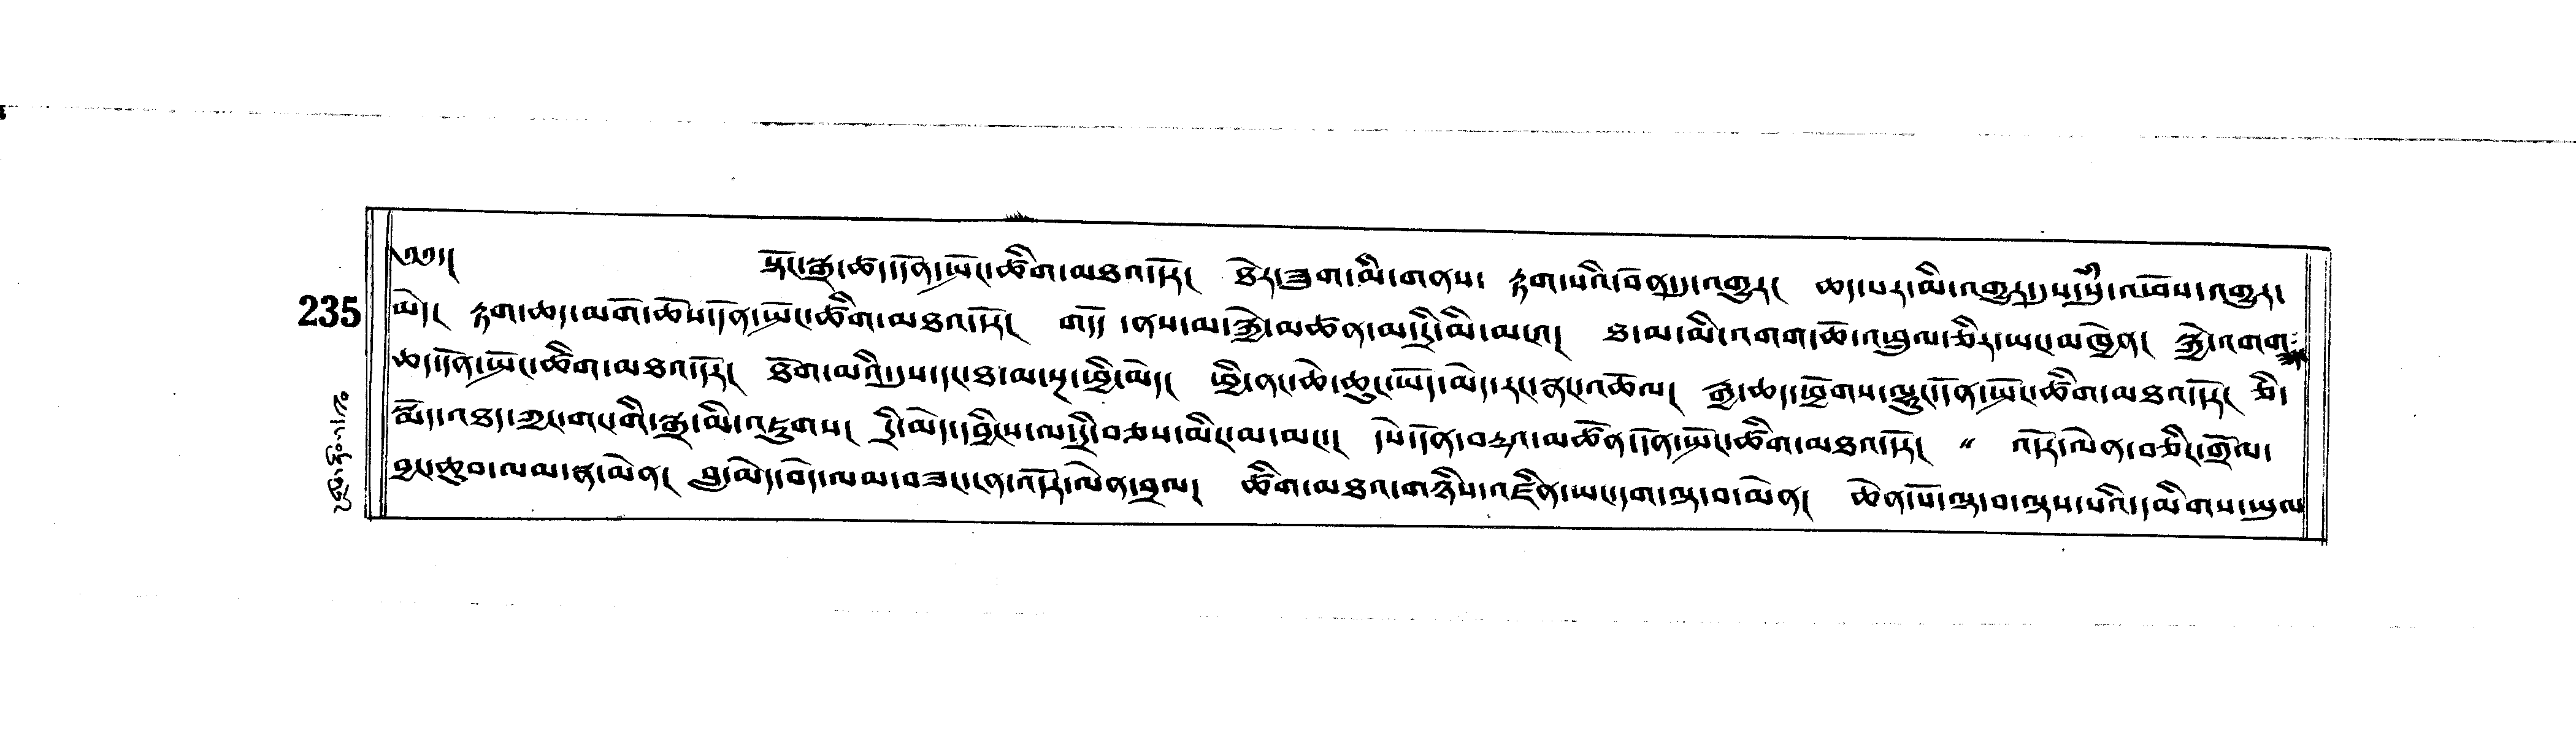སྟོང་སྒྲ་ཚད་དོན་སྤོང་ཚིག་མཐའ་དོར། ཐེར་ཟུག་མི་གནས་རྟག་པའི་བོན་དུ་འགྱུར། ཆད་པར་མི་འགྱུར་དུས་གསུམ་འཕོ་འགྱུར་
མེད། རྟག་ཆད་འགོ་ཆོས་དོན་སྤོང་ཚིག་མཐའ་དོར། གདོད་ནས་མ་སྐྱེ་མཚན་མ་དྲི་མི་མངའ། ཐ་མ་མི་འགག་ཆོ་འཕྲུལ་ཅིར་ཡང་མཁྱེན། སྐྱེ་འགག་
རྟག་ཆད་དོན་སྤོང་ཚིག་མཐའ་དོར། ཐོག་མའི་དུས་དང་ཐ་མ་སྔ་ཕྱི་མེད། ཕྱི་ནང་ཆེ་ཆུང་ཡོད་མེད་རང་སྣང་འཆོལ། རྒྱ་ཆད་ཕྱོགས་ལྷུང་དོན་སྤོང་ཚིག་མཐའ་དོར། ཅི་
སྨོད་འཐད་ཀྱང་གང་གི་སྒྲ་མི་འཇུག དྲི་མེད་དབྱིངས་ལ་དྲི་བཅས་མིང་མ་མང་། དཔེ་དོན་བརྡ་མཚོན་དོན་སྤོང་ཚིག་མཐའ་དོར། ༧ འདོར་ལེན་བཅིང་གྲོལ་
བྱང་ཆུབ་ལམ་སྣ་ལེན། བླ་མེད་བདེ་ལམ་བཟང་ངན་འདོར་ལེན་བྲལ། ཚིག་མཐའ་གཉིས་འཛིན་ཡང་དག་ལྟ་བ་མེན། ཆེན་པོ་ལྟ་བ་ལྟས་པའི་དམིགས་ཡུལ་